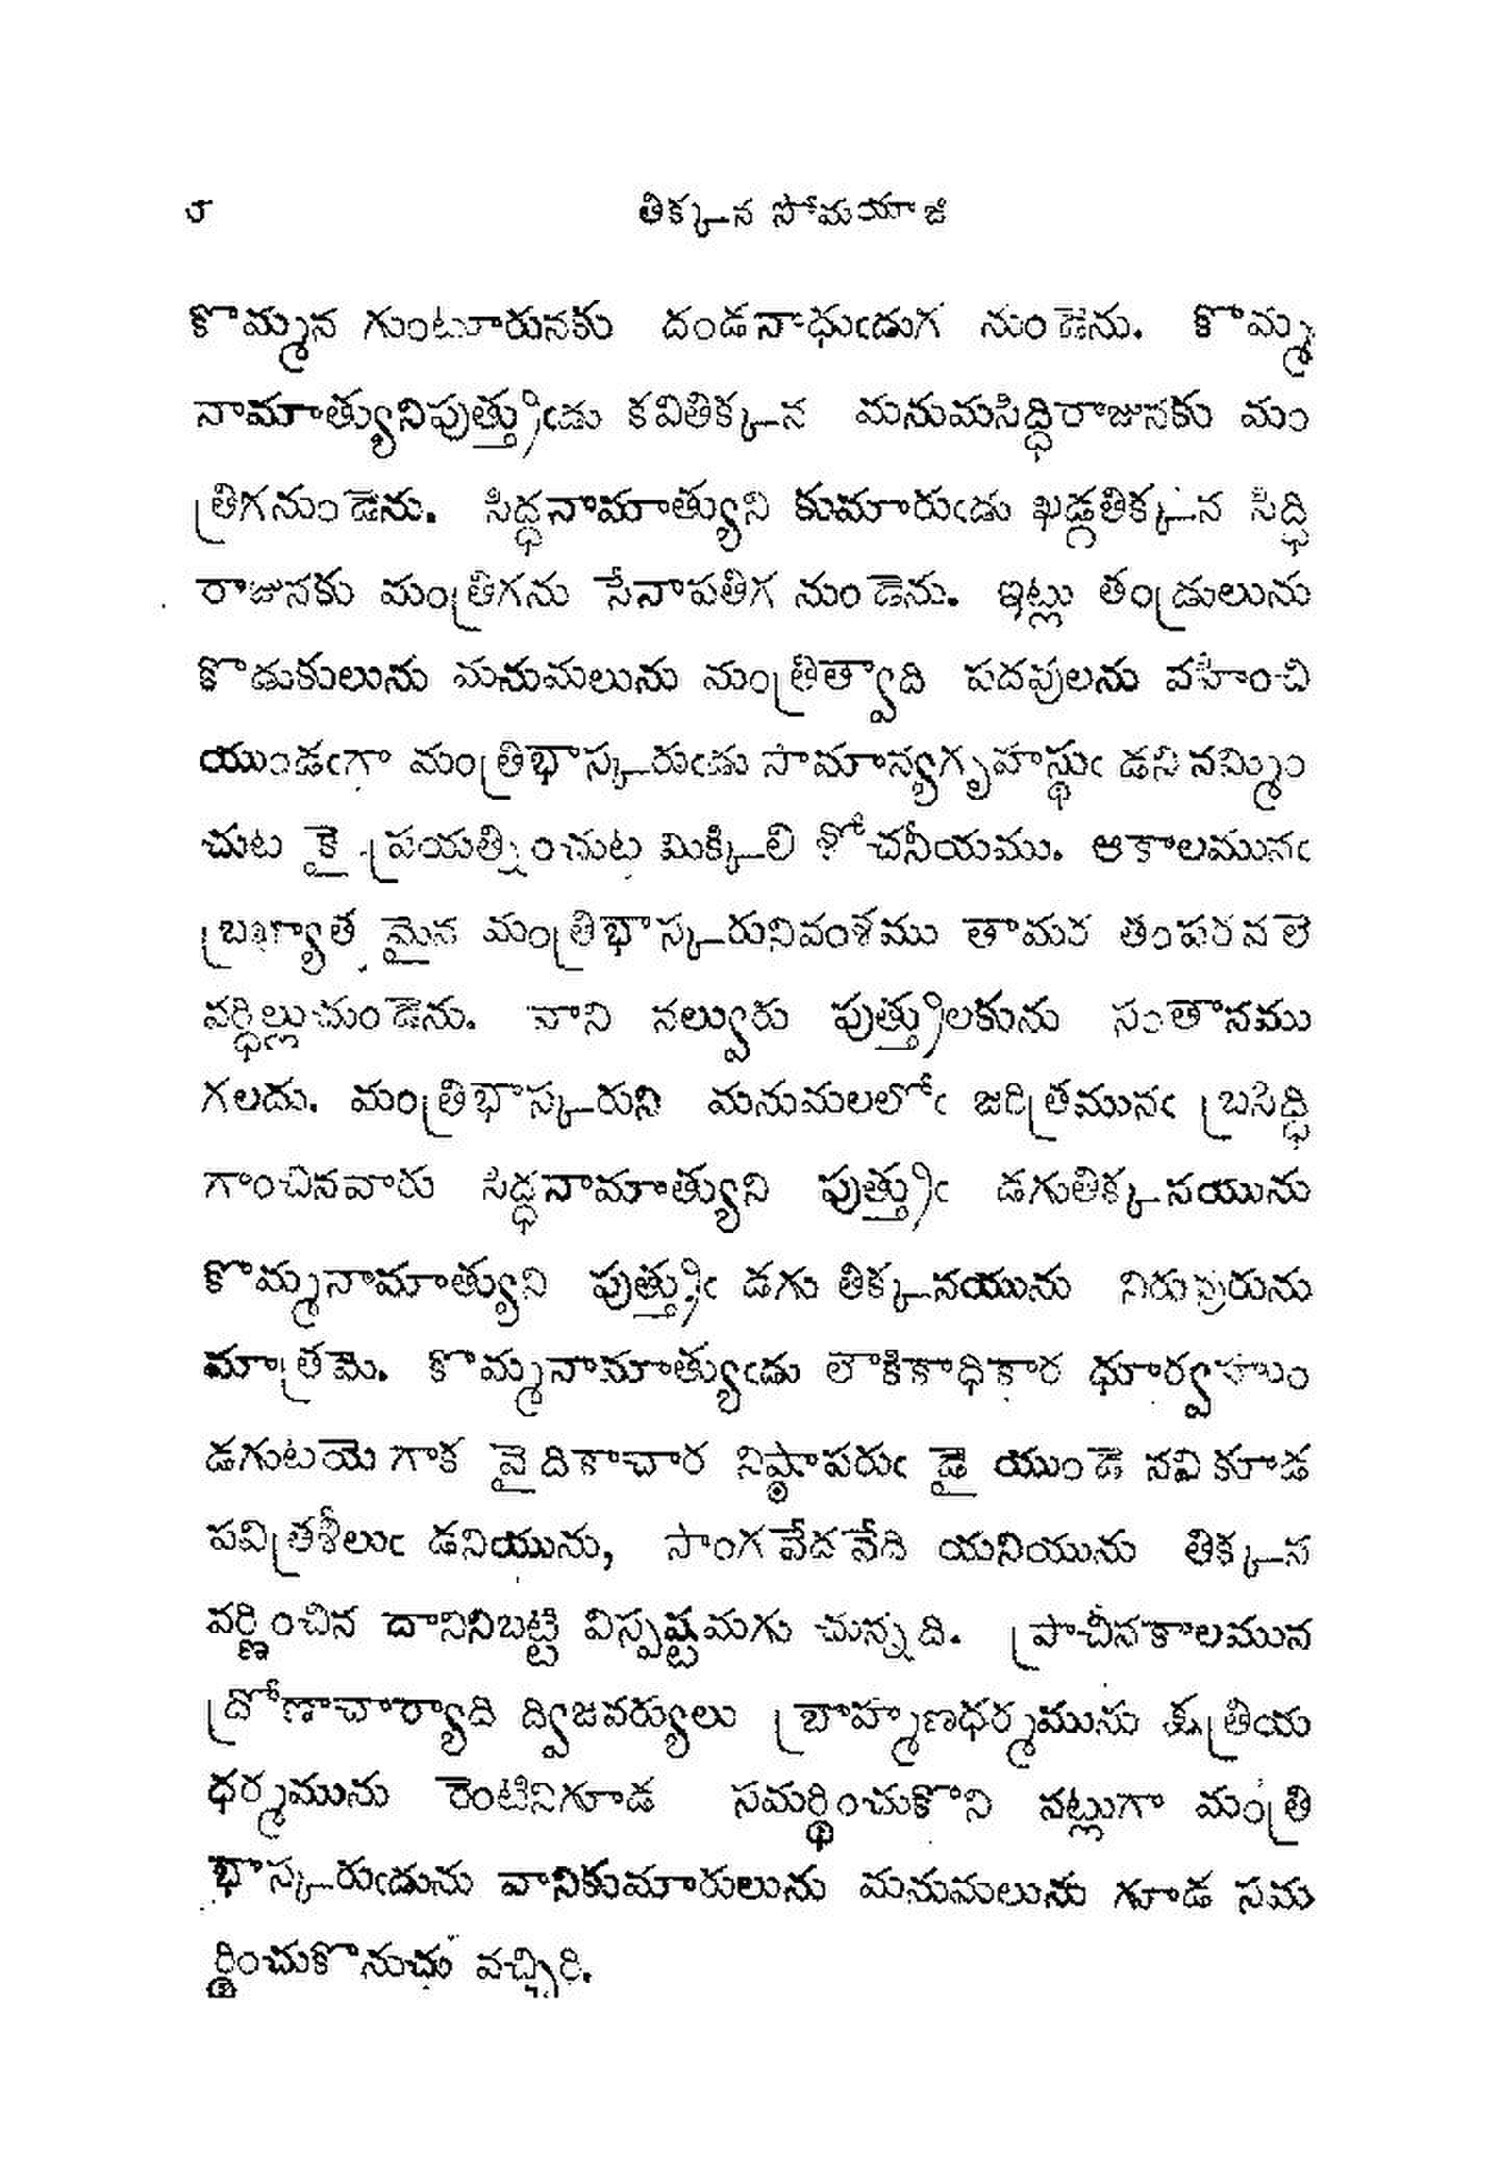కొమ్మన గుంటూరునకు దండనాధుఁడుగ నుండెను. కొమ్మనామాత్యునిపుత్త్రుఁడు కవితిక్కన మనుమసిద్దిరాజునకు మంత్రిగనుండెను. సిద్ధనామాత్యుని కుమారుఁడు ఖడ్గతిక్కన సిద్ధి రాజునకు మంత్రిగను సేనాపతిగ నుండెను. ఇట్లు తండ్రులును కొడుకులును మనుమలును మంత్రిత్వాది పదవులను వహించి యుండఁగా మంత్రిభాస్కరుఁడు సామాన్యగృహస్థుఁ డని నమ్మించుట కై ప్రయత్నించుట మిక్కిలి శోచనీయము. ఆకాలమునఁ బ్రఖ్యాత మైన మంత్రిభాస్కరునివంశము తామర తంపరవలె వర్దిల్లుచుండెను. వాని నల్వురు పుత్త్రులకును సంతానము గలదు. మంత్రిభాస్కరుని మనుమలలోఁ జరిత్రమునఁ బ్రసిద్ధి గాంచినవారు సిద్ధనామాత్యుని పుత్త్రుఁ డగుతిక్కనయును కొమ్మనామాత్యుని పుత్త్రుఁ డగు తిక్కనయును నిరువురును మాత్రమె. కొమ్మనామాత్యుఁడు లౌకికాధికార ధూర్వహుం డగుటయెగాక వైదికాచార నిష్టాపరుఁ డై యుండె ననికూడ పవిత్రశీలుఁ డనియును, సాంగవేదవేది యనియును తిక్కన వర్ణించిన దానినిబట్టి విస్పష్టమగు చున్నది. ప్రాచీనకాలమున ద్రోణాచార్యాది ద్విజవర్యులు బ్రాహ్మణధర్మమును క్షత్రియ ధర్మమును రెంటినిగూడ సమర్థించుకొని నట్లుగా మంత్రి
భాస్కరుఁడును వానికుమారులును మనుములును గూడ సమర్జించుకొనుచు వచ్చిరి.